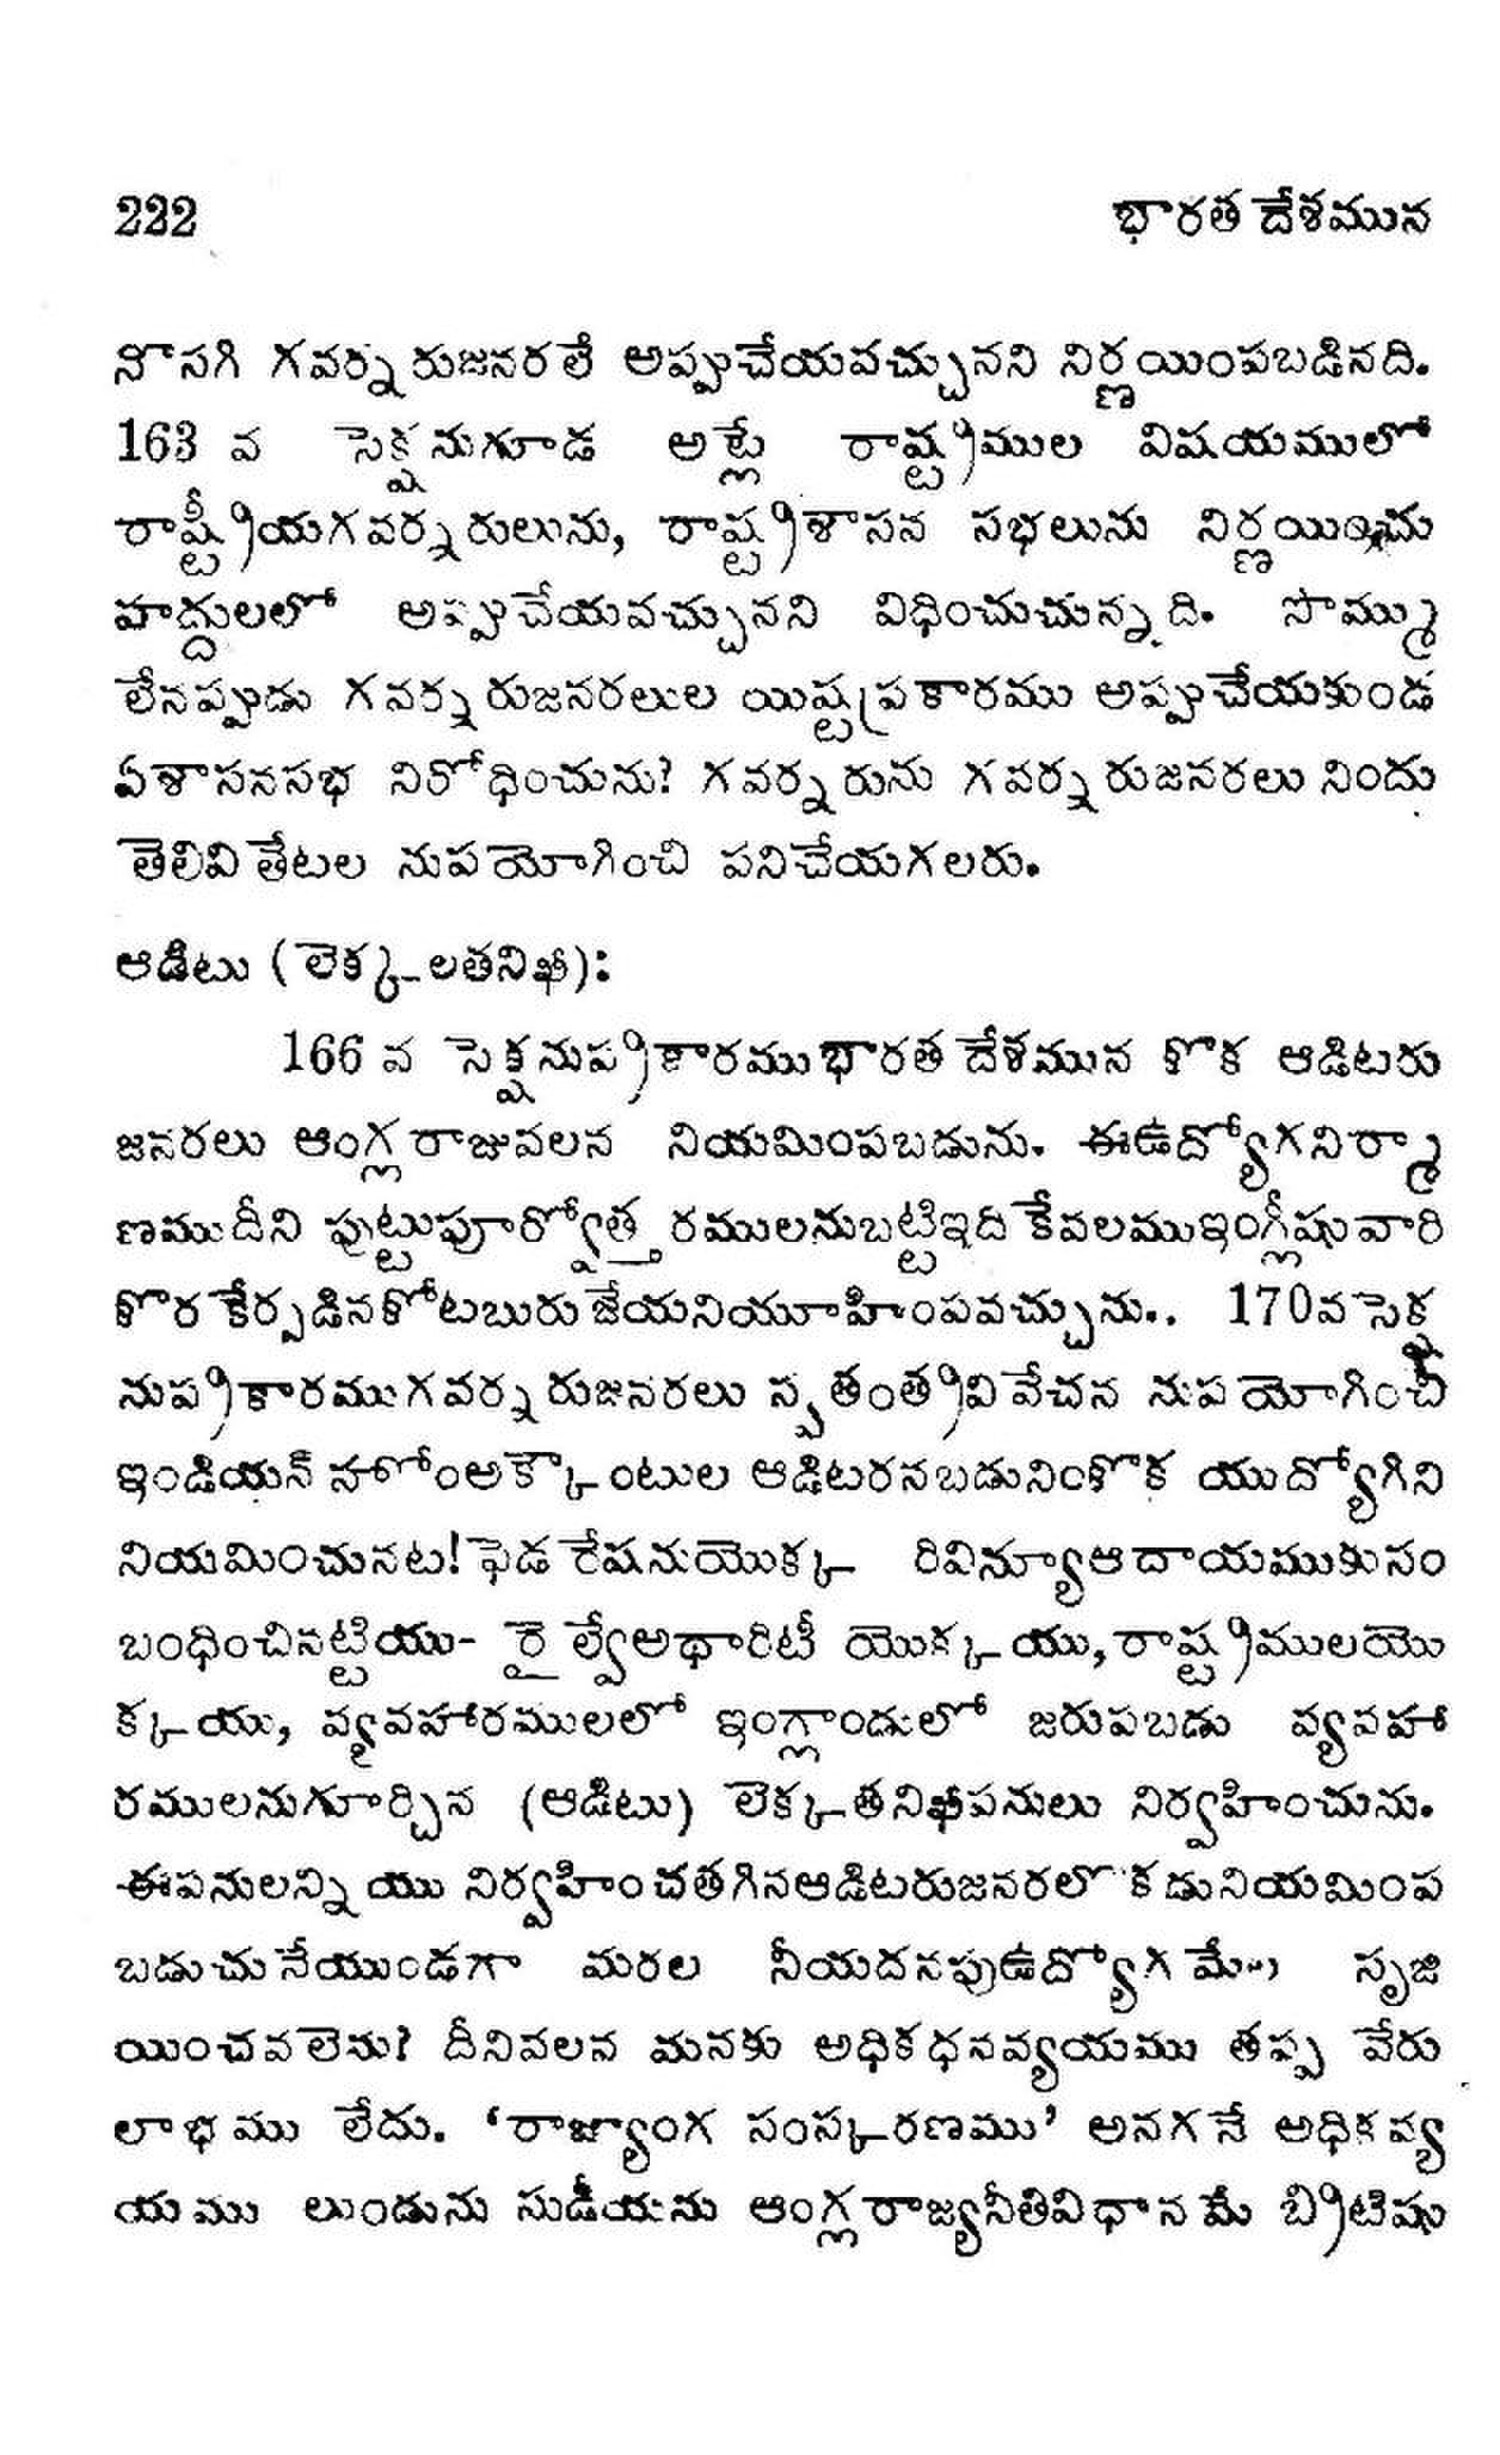నొసగి గవర్నరుజనరలే అప్పుచేయవచ్చునని నిర్ణయింపబడినది. 163 వ సెక్షనుగూడ అట్లే రాష్ట్రముల విషయములో రాష్ట్రీయగవర్నరులును, రాష్ట్రశాసనసభలును నిర్ణయించు హద్దులలో అప్పుచేయవచ్చునని విధించుచున్నది. సొమ్ము లేనప్పుడు గవర్నరుజనరలుల యిష్టప్రకారము అప్పుచేయకుండ ఏశాసనసభ నిరోధించును? గవర్నరును గవర్నరుజనరలు నిందు తెలివితేటల నుపయోగించి పనిచేయగలరు. 

166 వ సెక్షనుప్రకారము భారతదేశమున కొక ఆడిటరు జనరలు ఆంగ్లరాజువలన నియమింపబడును. ఈ ఉద్యోగనిర్మాణముదీని పుట్టుపూర్వోత్తరములనుబట్టి ఇది కేవలము ఇంగ్లీషువారి కొరకేర్పడిన కోటబురుజేయని యూహింపవచ్చును.. 170వ సెక్షనుప్రకారము గవర్నరుజనరలు స్వతంత్రవివేచన నుపయోగించి ఇండియన్ హోంఅక్కౌంటుల ఆడిటరనబడునింకొక యుద్యోగిని నియమించునట! ఫెడరేషనుయొక్క రివిన్యూఆదాయముకు సంబంధించినట్టియు- రైల్వేఅథారిటీ యొక్కయు, రాష్ట్రములయొక్కయు, వ్యవహారములలో ఇంగ్లాండులో జరుపబడు వ్యవహారములనుగూర్చిన (ఆడిటు) లెక్కతనిఖీపనులు నిర్వహించును. ఈ పనులన్నియు నిర్వహించతగిన ఆడిటరుజనరలొకడు నియమింపబడుచునేయుండగా మరల నీయదనపు ఉద్యోగమేల సృజియించవలెను? దీనివలన మనకు అధికధనవ్యయము తప్ప వేరు లాభము లేదు. 'రాజ్యాంగ సంస్కరణము ' అనగనే అధికవ్యయము లుండును సుడీయను ఆంగ్లరాజ్యనీతివిధానమే బ్రిటిషు